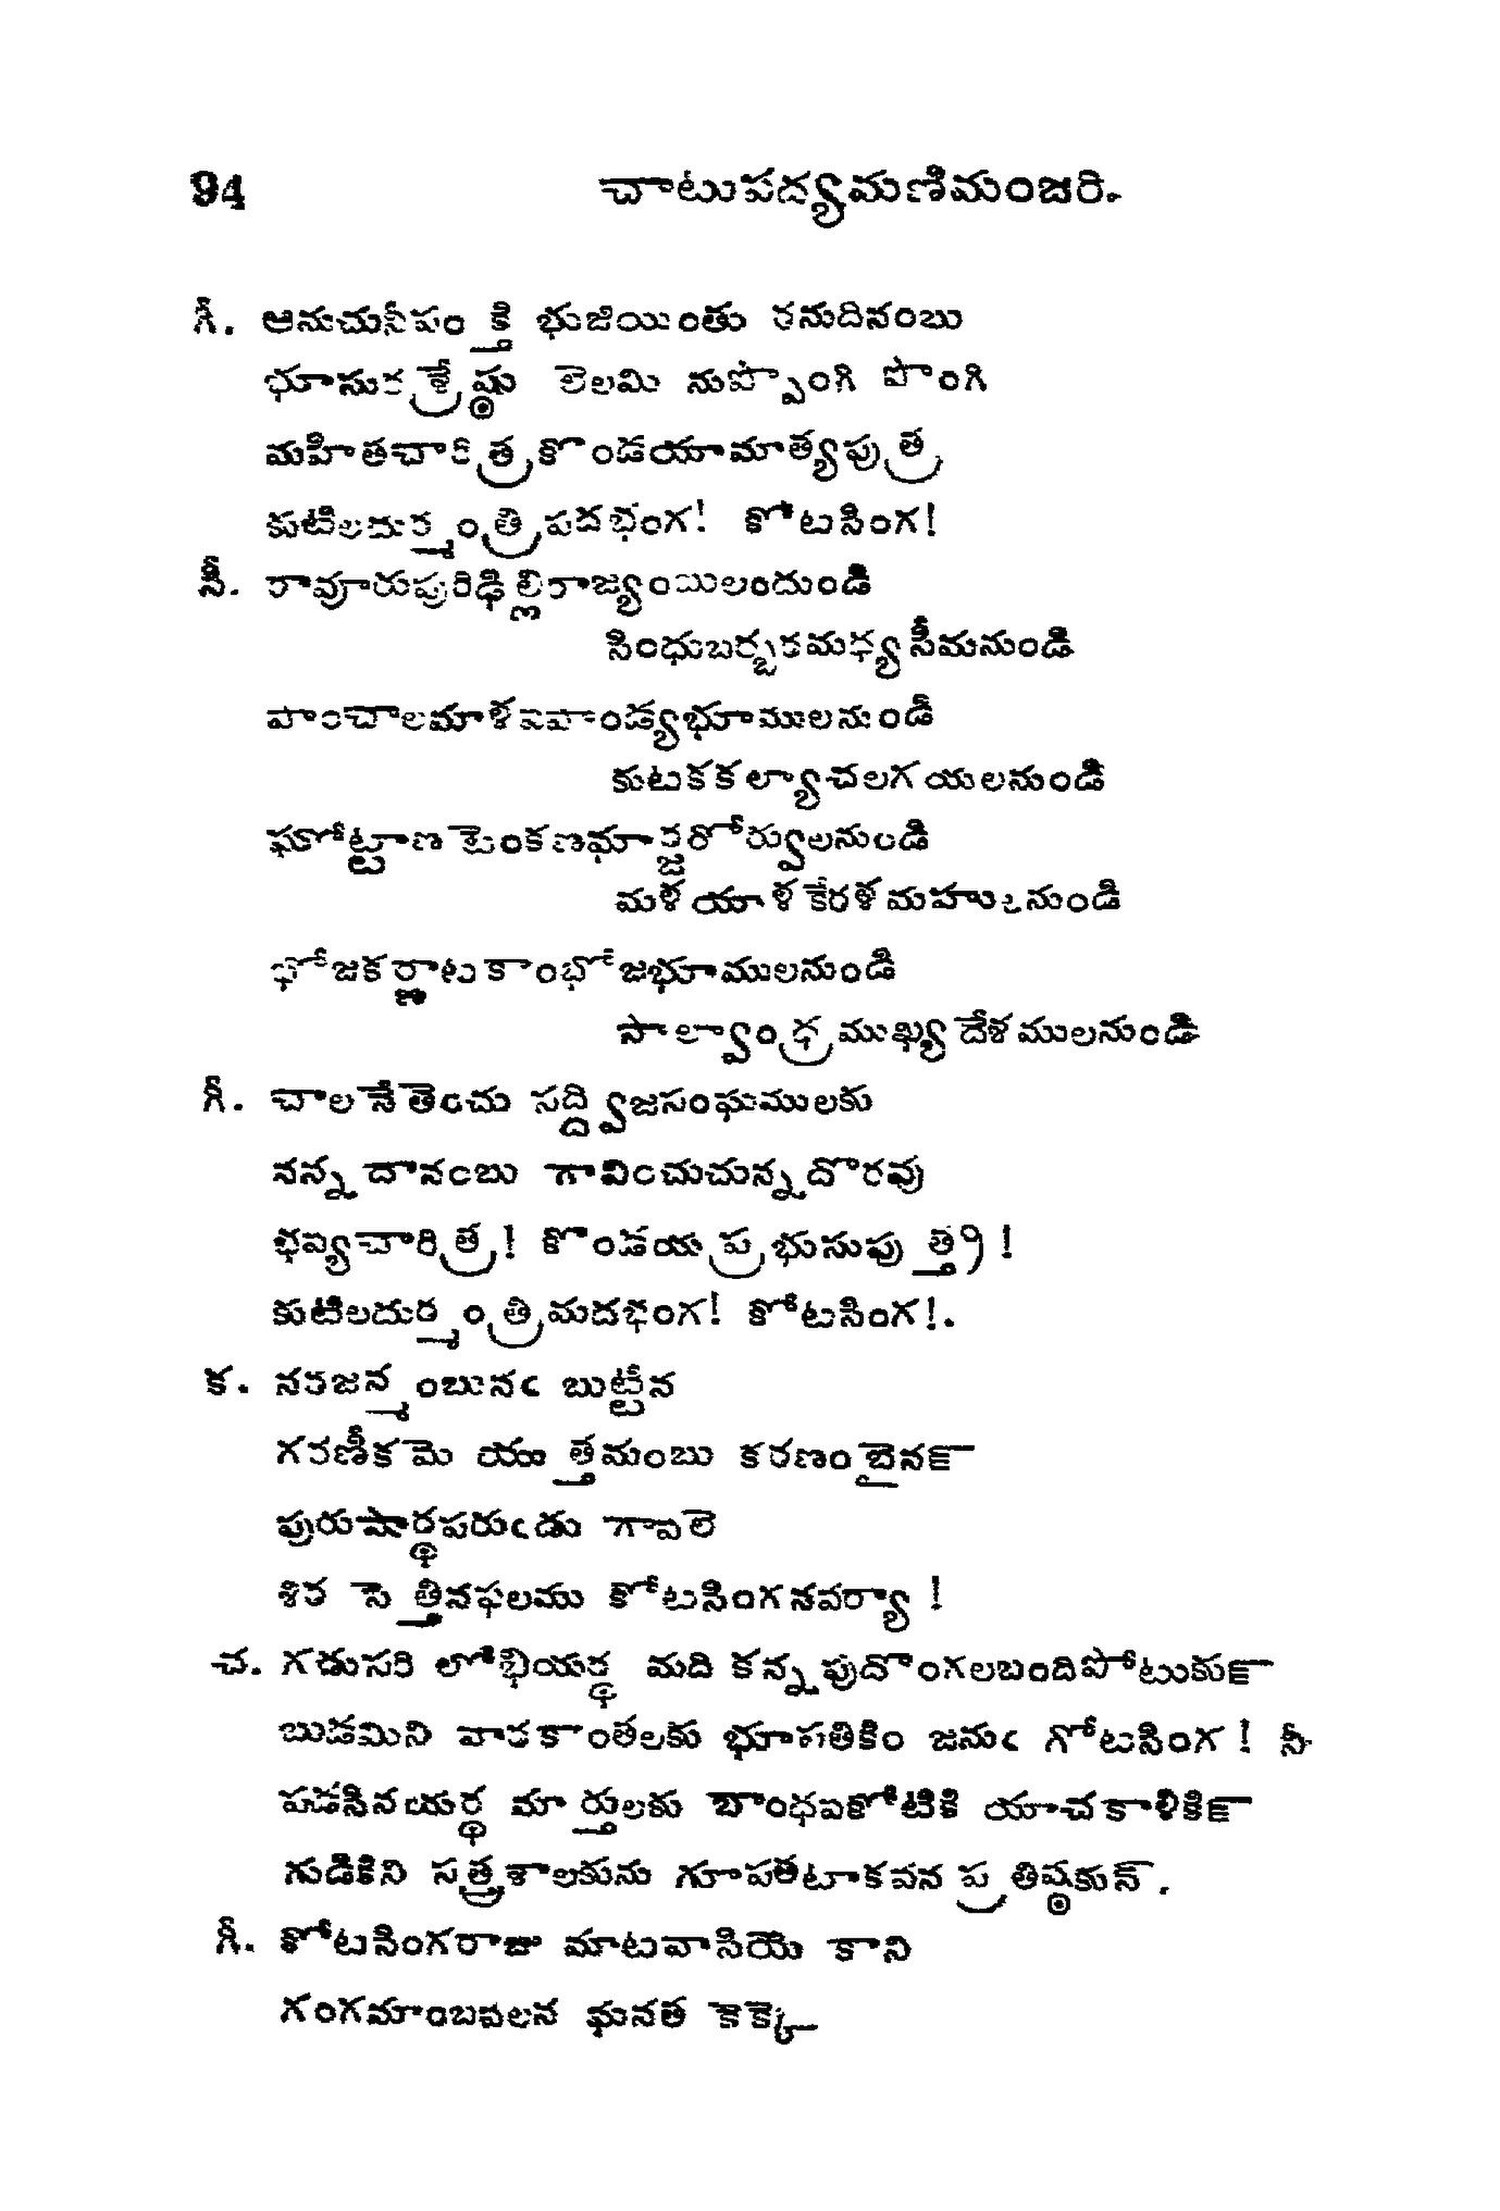గీ. అనుచు నీపంక్తి భుజియింతు రనుదినంబు
 భూసురశ్రేష్ఠు లెలమి నుప్పొంగి పొంగి
 మహితచారిత్ర కొండయామాత్యపుత్ర!
 కుటిలదుర్మంత్రిమదభంగ! కోటసింగ!
సీ. రావూరుపురిఢిల్లిరాజ్యంబులందుండి
 సింధుబర్బరమధ్యసీమనుండి
 పాంచాలమాళవపాండ్యభూములనుండి
 కటకకుల్యాచరగయలనుండి
 ఘోట్టాణటెంకణఘూర్దరోర్వులనుండి
 మళయాళకేరళమహులనుండి
 భోజకర్ణాటకాంభోజభూములనుండి
 సాల్వాంధ్రముఖ్యదేశములనుండి
గీ. చాలనేతెంచు సద్ద్విజసంఘములకు
 నన్నదానంబు గావించుచున్న దొరవు
 భవ్యచారిత్ర! కొండయప్రభుసుపుత్ర!
 కుటిలదుర్మంత్రిమదభంగ! కోటసింగ!
క. నరజన్మంబునఁ బుట్టినఁ
 గరణీకమె యుత్తమంబు కరణంబైనన్
 పురుషార్థపరుఁడు గావలె
 శిర సెత్తినఫలము కోటసింగనవర్యా!
చ. గడుసరి లోభియర్థ మది కన్నపుదొంగల బందిపోటుకున్
 బుడమిని వారకాంతలకు భూపతికిం జనుఁ గోటసింగ! నీ
 పడసిన యర్థ మార్తులకు బాంధవకోటికి యాచకాళికిన్
 గుడికిని సత్త్రశాలకును గూపతటాకవనప్రతిష్ఠకున్.
గీ. కోటసింగరాజు మాటవాసియె కాని
 గంగమాంబవలన ఘనత కెక్కె